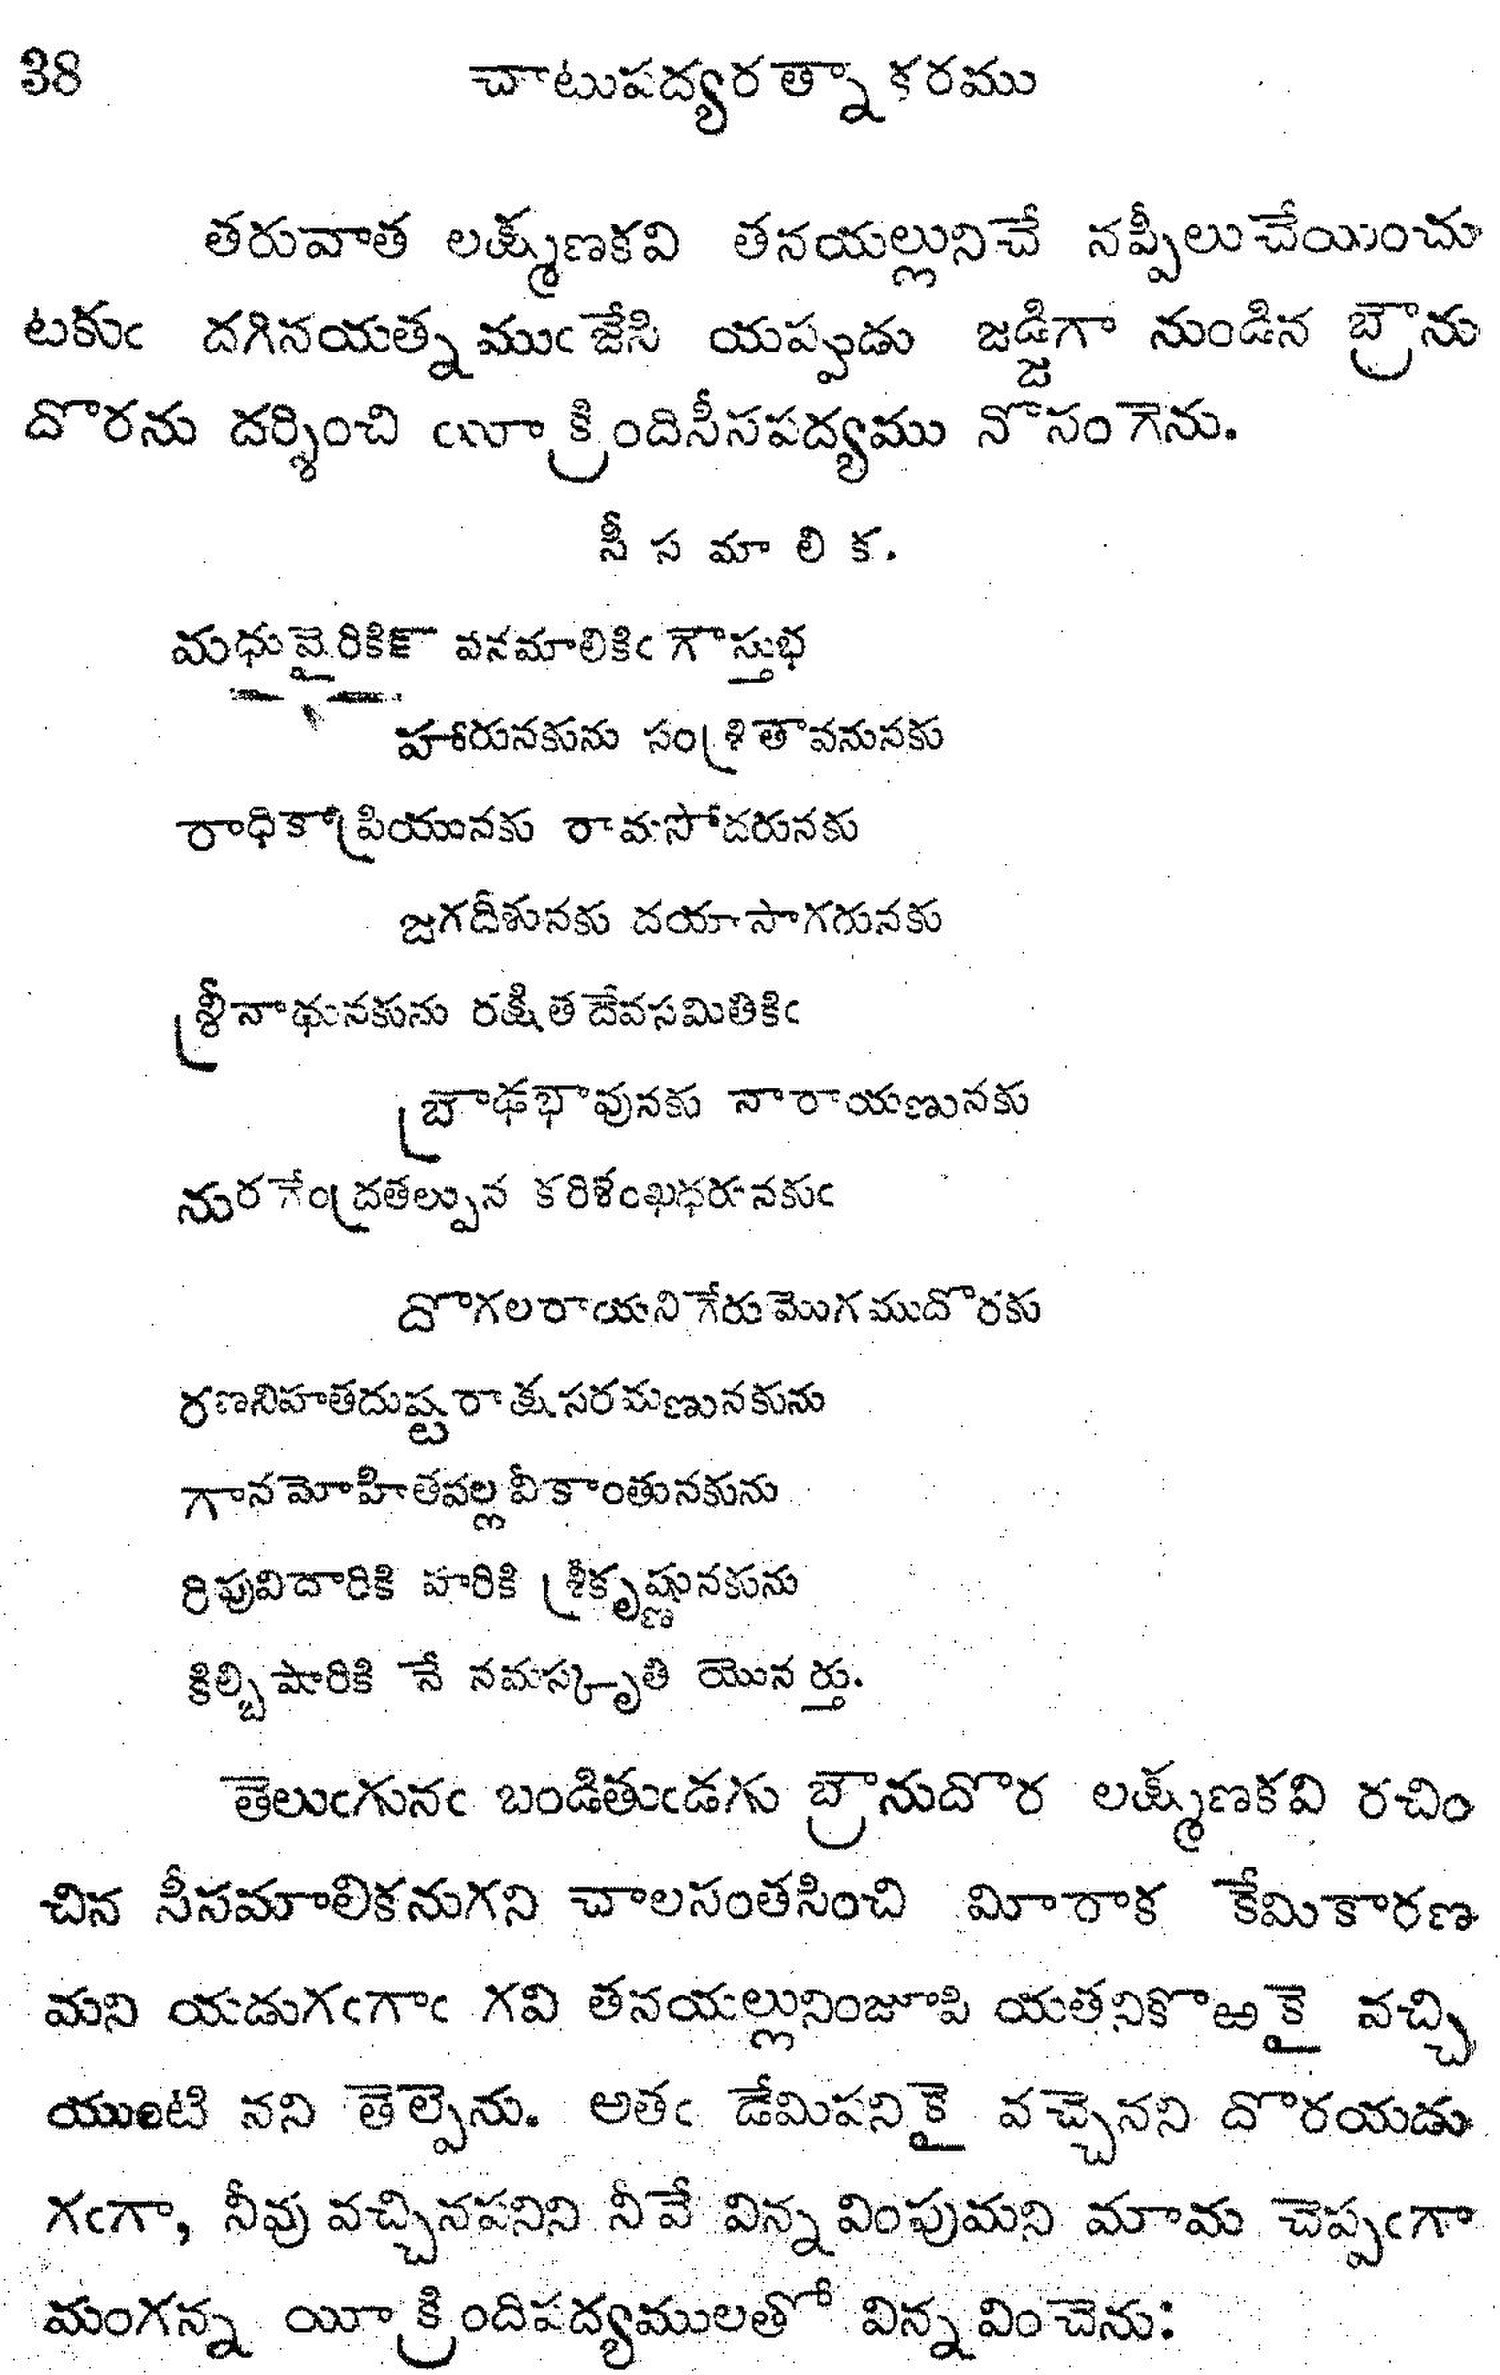తరువాత లక్ష్మణకవి తనయల్లునిచే నప్పీలుచేయించుటకుఁ దగినయత్నముఁజేసి యప్పుడు జడ్జిగా నుండిన బ్రౌనుదొరను దర్శించి యీక్రిందిసీసపద్యము నొసంగెను.

 మధువైరికిన్ వనమాలికిఁ గౌస్తుభ
 హారునకును సంశ్రితావనునకు
 రాధికాప్రియునకు రామసోదరునకు
 జగదీశునకు దయాసాగరునకు
 శ్రీనాథునకును రక్షితదేవసమితికిఁ
 బ్రౌఢభావునకు నారాయణునకు
 నురగేంద్రతల్పున కరిశంఖధరునకుఁ
 దొగలరాయనిగేరుమొగముదొరకు
 రణనిహతదుష్టరాక్షసరమణునకును
 గానమోహితవల్లవీకాంతునకును
 రిపువిదారికి హరికి శ్రీకృష్ణునకును
 కిల్బిషారికి నే నమస్కృతి యొనర్తు.

తెలుఁగునఁ బండితుఁడగు బ్రౌనుదొర లక్ష్మణకవి రచించిన సీసమాలికను గని చాలసంతసించి మీరాక కేమి కారణమని యడుఁగగాఁ గవి తనయల్లునింజూపి యతనికొరకై వచ్చియుంటి నని తెల్పెవు. అతఁ డేమిపనికై వచ్చెనని దొర యడుగఁగా, నీవు వచ్చినపనిని నీవే విన్నవింపుమని మామ చెప్పఁగా మంగన్న యీక్రిందిపద్యములతో విన్నవించెను.